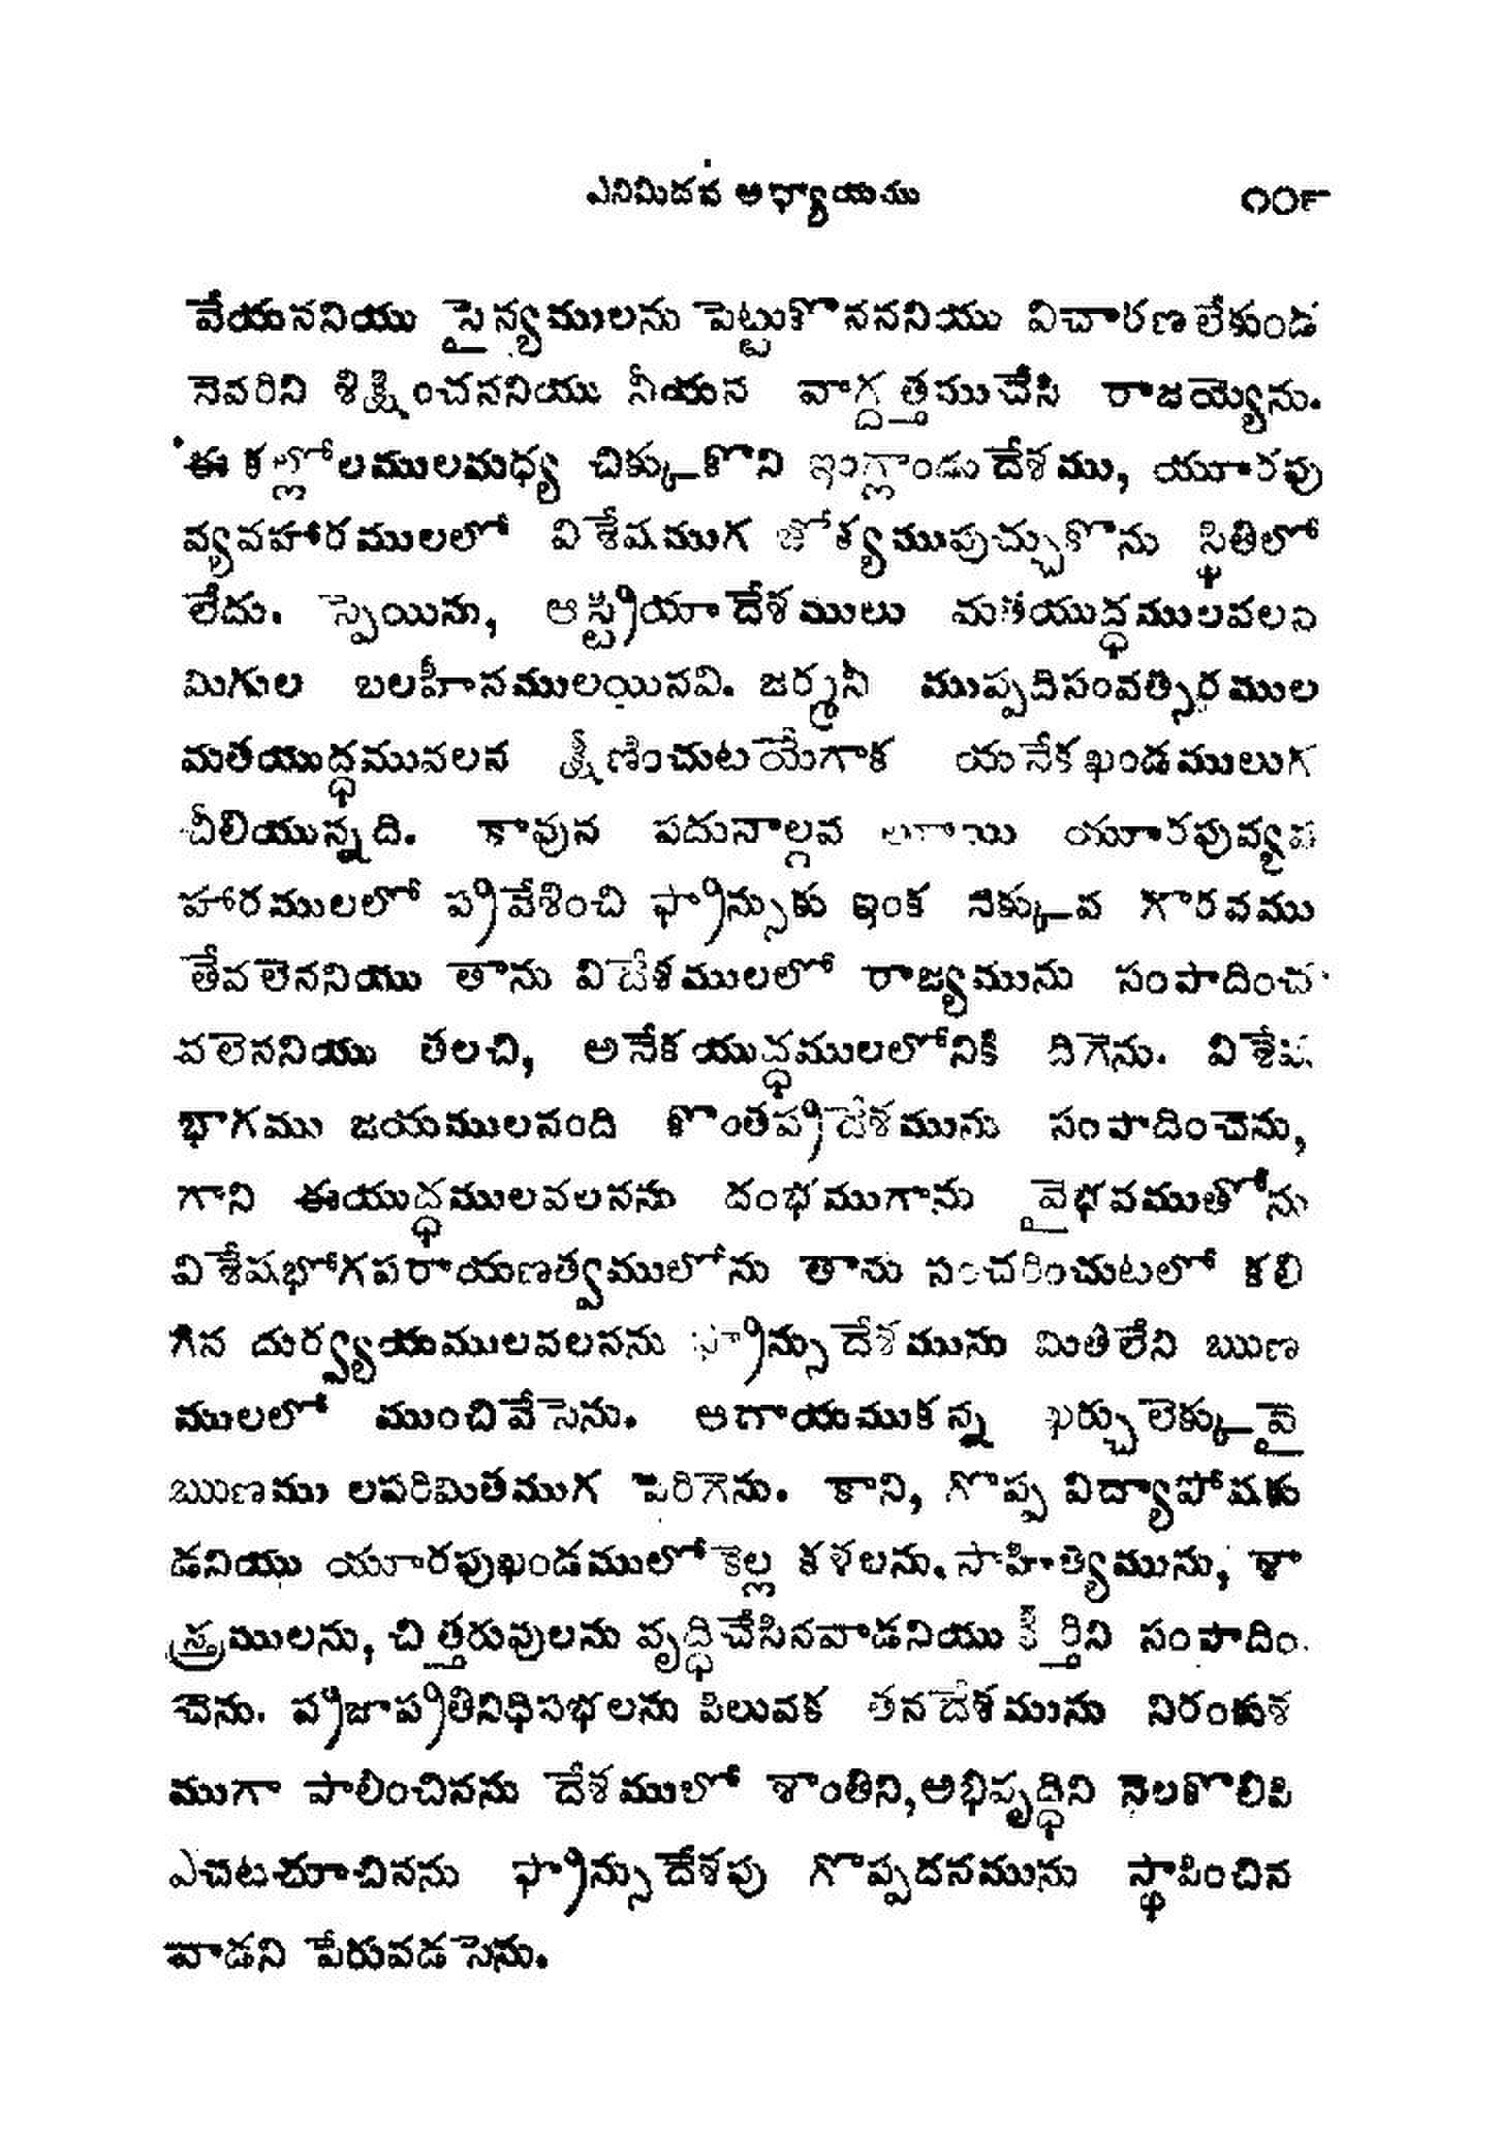వేయననియు సైన్యములను పెట్టుకొనననియు విచారణ లేకుండ
నెవరిని శిక్షించననియు నీయస వాగ్ధత్తముచేసి రాజయ్యెను.
'ఈ కల్లోలముల మధ్య చిక్కుకొని ఇంగ్లాండు దేశము, యూరపు
వ్యవహారములలో విశేషముగ జోక్యముపుచ్చుకొను స్థితిలో
లేదు. 'స్పెయిసు, ఆస్ట్రియా దేశములు మతయుద్ధముల వలని
మిగుల బలహీనములయినవి. జర్మనీ ముప్పది సంవత్సరముల
మత యుద్ధమువలన క్షీణించుటయేగాక యనేక ఖండములుగ
చీలియున్నది. కావున పదునాల్గవ లూయి యూరపువ్య
హారములలో ప్రవేశించి ఫ్రాన్సుకు ఇంక నెక్కువ గౌరవము
తేవ లెననియు తాను విదేశములలో రాజ్యమును సంపాదించ 
వలెననియు తలచి, అనేక యుద్ధములలోనికి దిగెను. విశేష,
భాగము జయముల నంది కొంత ప్రదేశమును సంపాదించెను,
గాని ఈ యుద్ధముల వలనను దంభముగాను వైభవము తోను
విశేషభోగ పరాయణత్వములోను తాను సంచరించుటలో కలి
గిన దుర్వయముల వలనను ఫ్రాస్సు దేశమును మితి లేని ఋణ
ములలో ముంచివేసెను. ఆగాయముకన్న ఖర్చులెక్కువై
ఋణము లపరిమితముగ పెరిగెను. కాని, గొప్ప విద్యాపోషకు
డనియు యూరఫుఖండములో కెల్ల కళలను, సాహిత్యమును, గా
స్త్రములను, చిత్తరువులను వృద్ధి చేసినవాడనియు కీర్తిని సంపాదిం.
చెను. ప్రజాప్రతినిధిసభలను పిలువక తన దేశమును నిరంకుశ
ముగా పాలించినసు దేశములో శాంతిని, అభివృద్ధిని నెలకొలిపి
ఎచట చూచినను ఫోన్సు దేశపు గొప్పదనమును స్థాపించిన
వాడని పేరువడసెను.